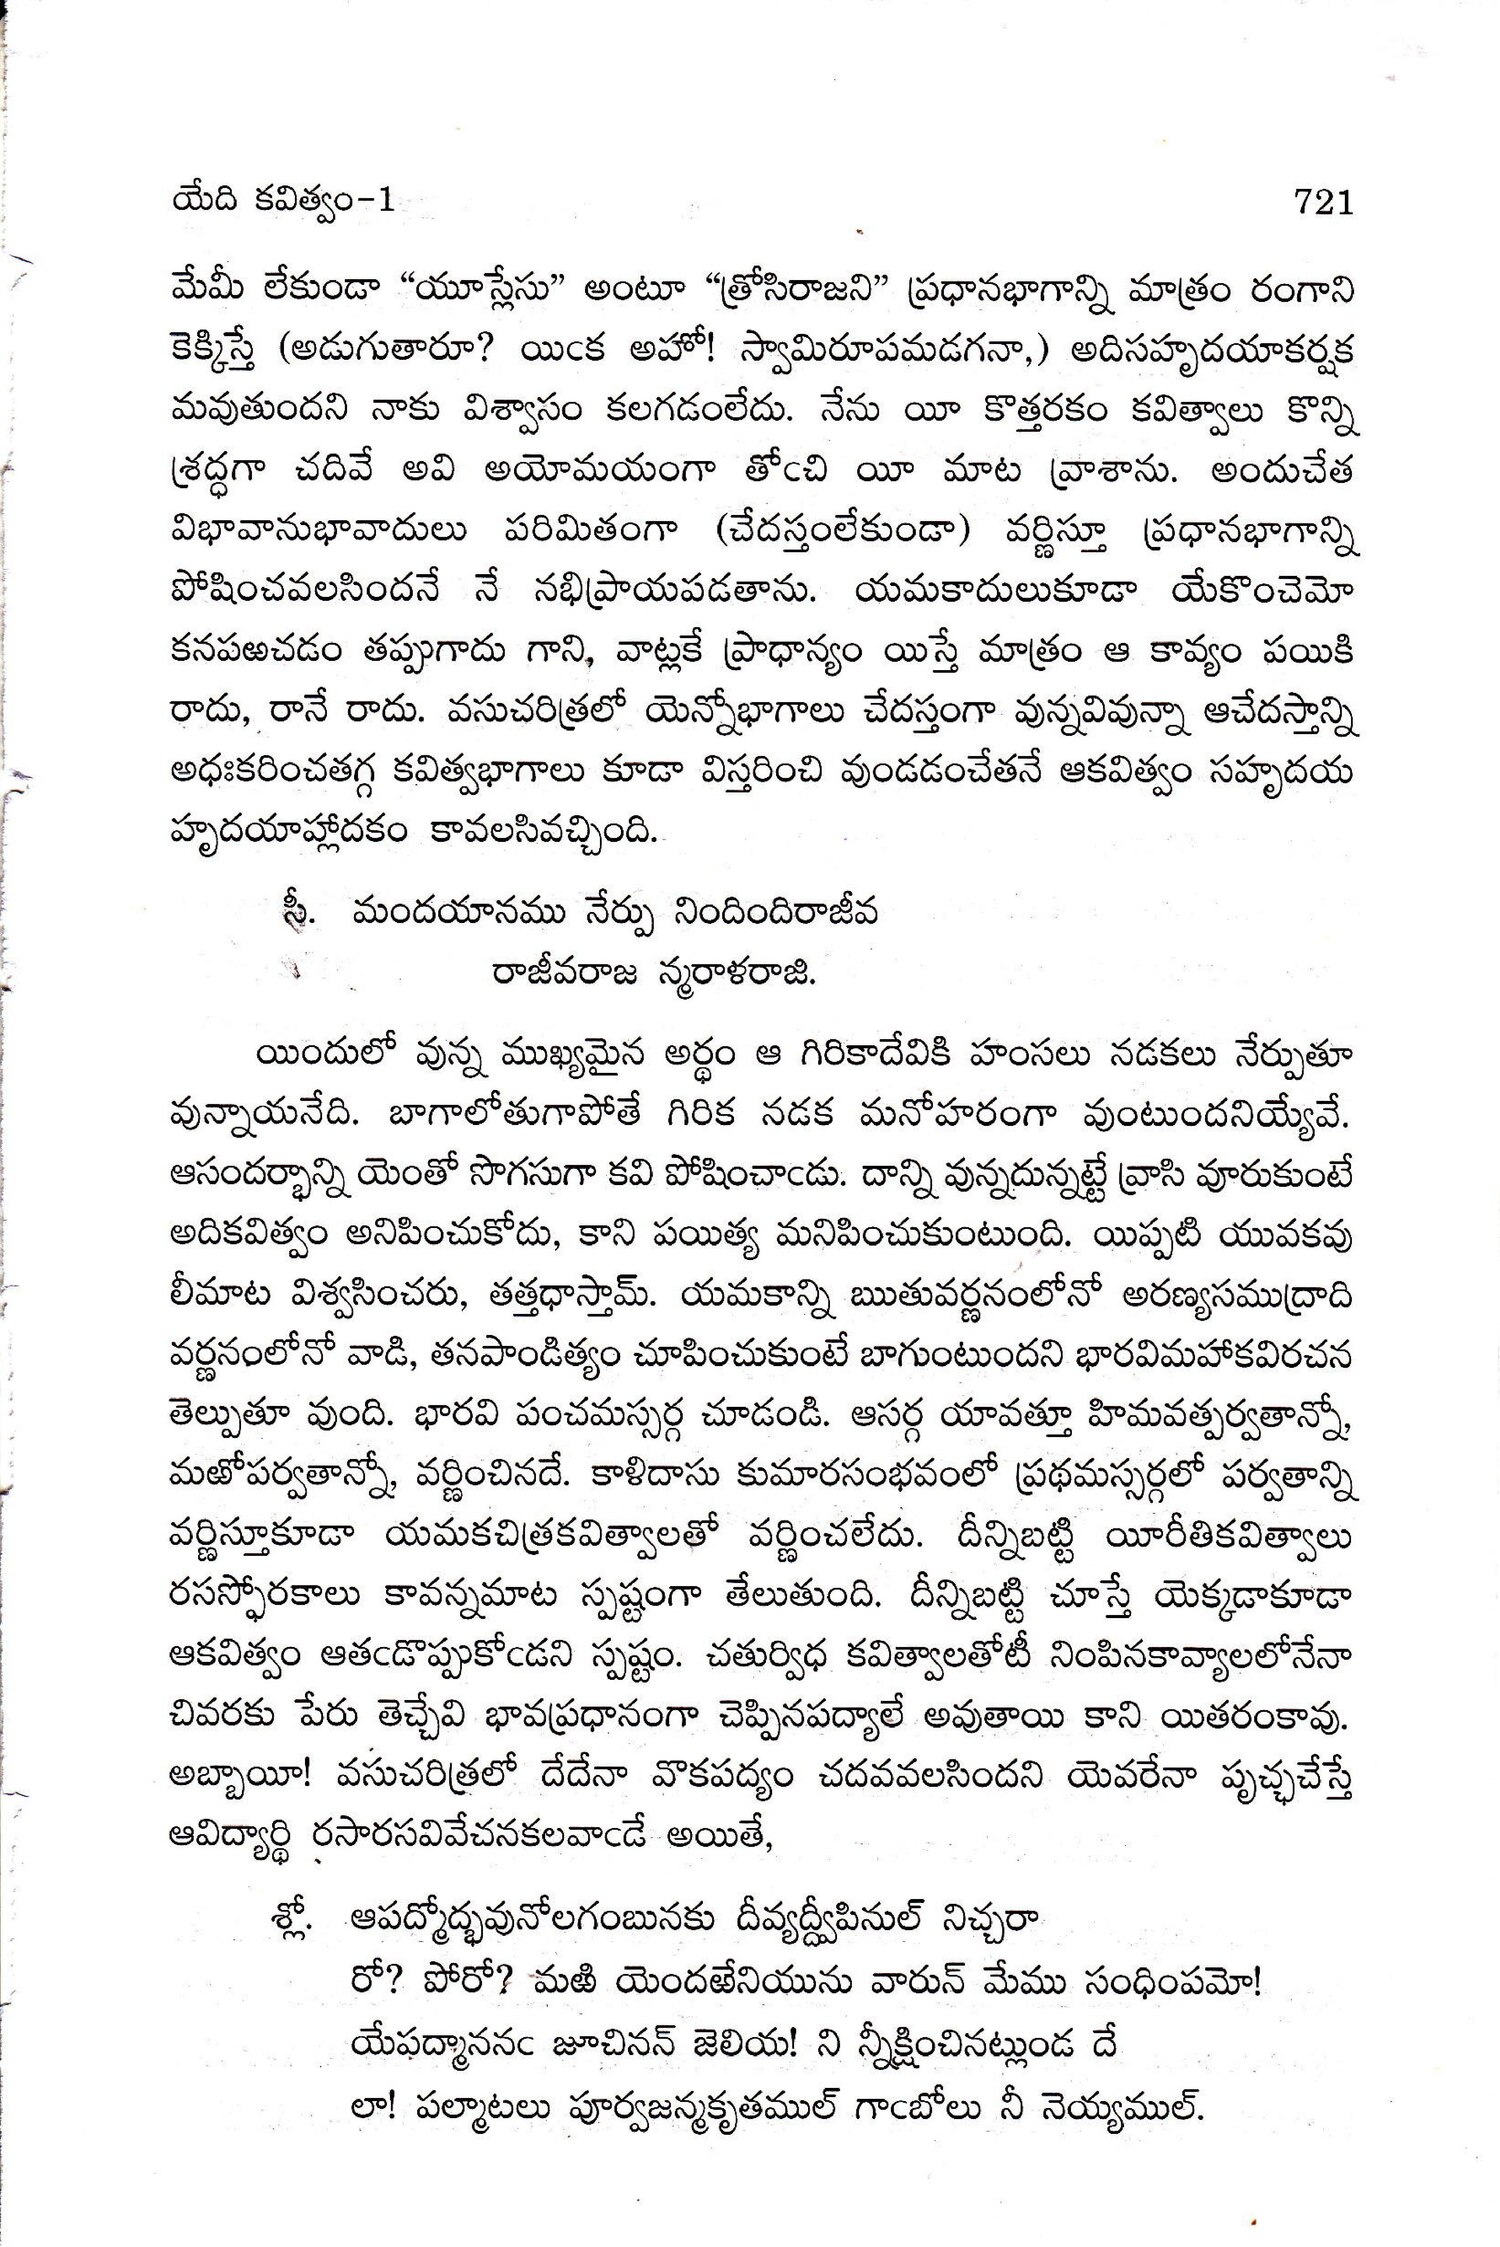మేమీ లేకుండా “యూస్లేసు” అంటూ "త్రోసిరాజని” ప్రధానభాగాన్ని మాత్రం రంగాని కెక్కిస్తే (అడుగుతారూ? యిఁక అహో! స్వామిరూపమడగనా,) అదిసహృదయాకర్షక మవుతుందని నాకు విశ్వాసం కలగడంలేదు. నేను యీ కొత్తరకం కవిత్వాలు కొన్ని శ్రద్ధగా చదివే అవి అయోమయంగా తోఁచి యీ మాట వ్రాశాను. అందుచేత విభావానుభావాదులు పరిమితంగా (చేదస్తంలేకుండా) వర్ణిస్తూ ప్రధానభాగాన్ని పోషించవలసిందనే నే నభిప్రాయపడతాను. యమకాదులుకూడా యేకొంచెమో కనపఱచడం తప్పుగాదు గాని, వాట్లకే ప్రాధాన్యం యిస్తే మాత్రం ఆ కావ్యం పయికి రాదు, రానే రాదు. వసుచరిత్రలో యెన్నోభాగాలు చేదస్తంగా వున్నవివున్నా ఆచేదస్తాన్ని అధఃకరించతగ్గ కవిత్వభాగాలు కూడా విస్తరించి వుండడంచేతనే ఆకవిత్వం సహృదయ హృదయాహ్లాదకం కావలసివచ్చింది.

సీ. మందయానము నేర్పు నిందిందిరాజీవ
 రాజీవరాజ న్మరాళరాజి.
యిందులో వున్న ముఖ్యమైన అర్థం ఆ గిరికాదేవికి హంసలు నడకలు నేర్పుతూ వున్నాయనేది. బాగాలోతుగాపోతే గిరిక నడక మనోహరంగా వుంటుందనియ్యేవే. ఆసందర్భాన్ని యెంతో సొగసుగా కవి పోషించాcడు. దాన్ని వున్నదున్నట్టే వ్రాసి వూరుకుంటే అదికవిత్వం అనిపించుకోదు, కాని పయిత్య మనిపించుకుంటుంది. యిప్పటి యువకవు లీమాట విశ్వసించరు, తత్తధాస్తామ్. యమకాన్ని ఋతువర్ణనంలోనో అరణ్యసముద్రాది వర్ణనంలోనో వాడి, తనపాండిత్యం చూపించుకుంటే బాగుంటుందని భారవిమహాకవిరచన తెల్పుతూ వుంది. భారవి పంచమస్సర్గ చూడండి. ఆసర్గ యావత్తూ హిమవత్పర్వతాన్నో మఱోపర్వతాన్నో వర్ణించినదే. కాళిదాసు కుమారసంభవంలో ప్రథమస్సర్గలో పర్వతాన్ని వర్ణిస్తూకూడా యమకచిత్రకవిత్వాలతో వర్ణించలేదు. దీన్నిబట్టి యీరీతికవిత్వాలు రసస్ఫోరకాలు కావన్నమాట స్పష్టంగా తేలుతుంది. దీన్నిబట్టి చూస్తే యెక్కడాకూడా ఆకవిత్వం ఆతఁడొప్పుకోఁడని స్పష్టం. చతుర్విధ కవిత్వాలతోటీ నింపినకావ్యాలలోనేనా చివరకు పేరు తెచ్చేవి భావప్రధానంగా చెప్పినపద్యాలే అవుతాయి కాని యితరంకావు. అబ్బాయీ! వసుచరిత్రలో దేదేనా వొకపద్యం చదవవలసిందని యెవరేనా పృచ్చచేస్తే ఆవిద్యార్థి రసారసవివేచనకలవాఁడే అయితే,

శ్లో. ఆపద్మోద్భవునోలగంబునకు దీవ్యద్ద్వీపినుల్ నిచ్చరా
 రో? పోరో? మఱి యెందఱేనియును వారున్ మేము సంధింపమో! 
 యేపద్మాననఁ జూచినన్ జెలియ! ని న్నీక్షించినట్లుండ దే 
 లా! పల్మాటలు పూర్వజన్మకృతముల్ గాఁబోలు నీ నెయ్యముల్